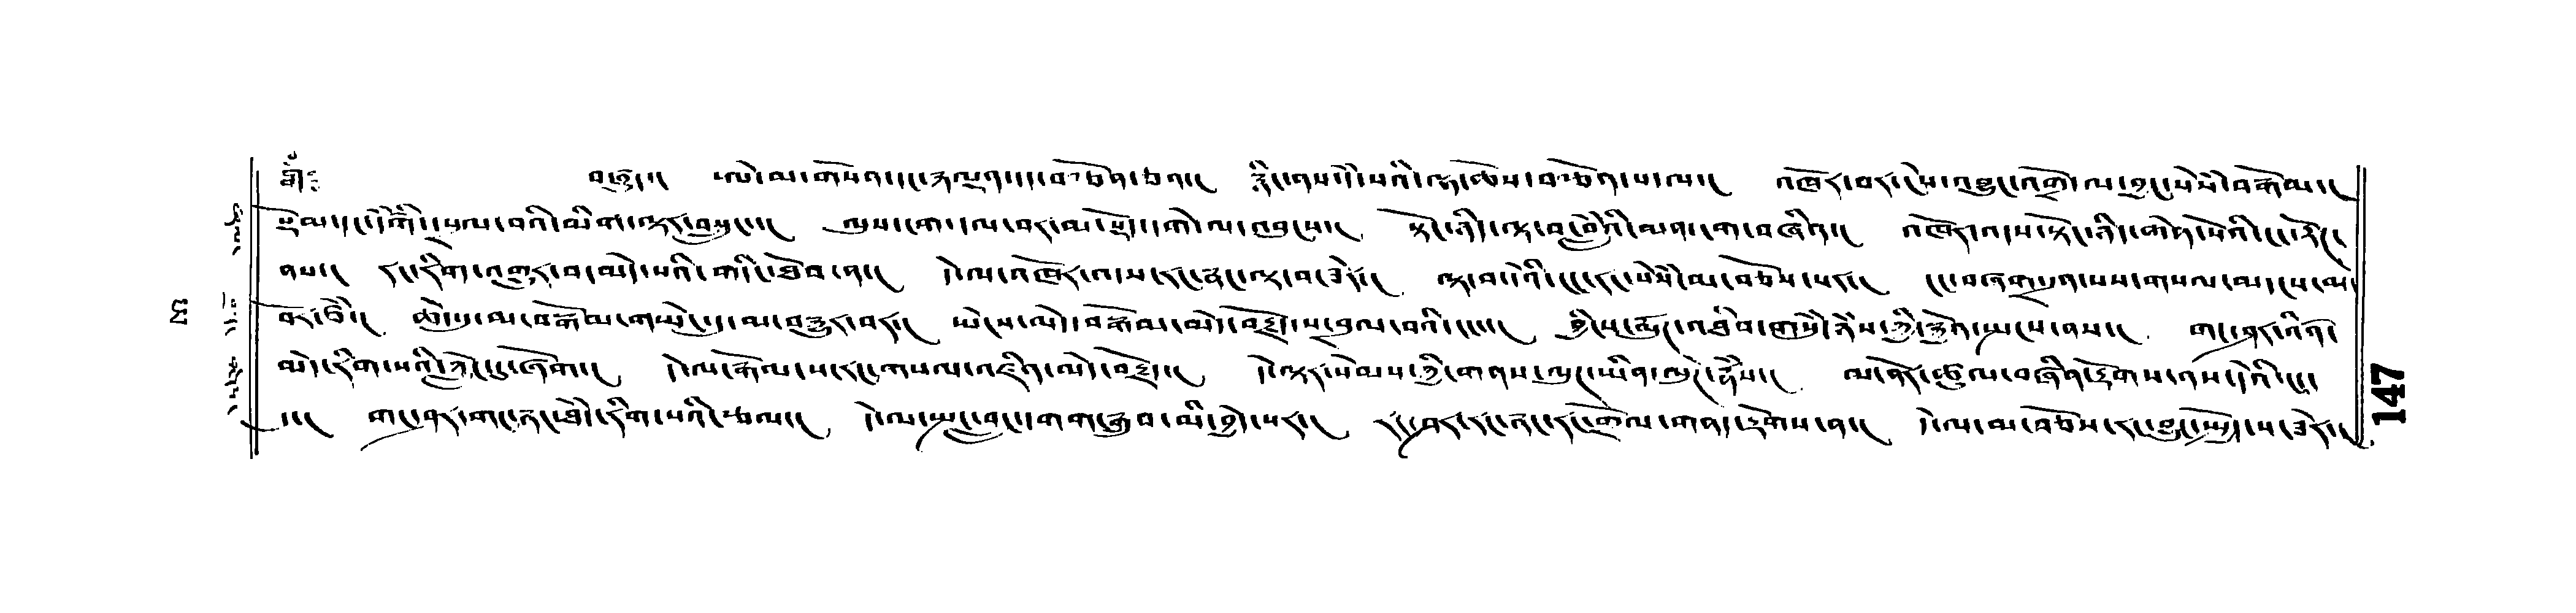བཞུགས། །ཨེ་མ་གསོན་དང་སྐལ་ལྡན་དད་བརྩོན་ཅན། །སྙིང་ནས་དམ་པའི་ལྷ་ཆོས་བརྩོན་པ་ལ། །འཁོར་བར་ངེས་འབྱུང་འགྲོ་ལ་བྱང་སེམས་བསྒོམ། །
སྡོམ་དང་དམ་ཚིག་དཔྲལ་བའི་མིག་ལྟར་སྲུངས། །ལུས་ངག་དལ་བར་མ་སྡོད་དགེ་ལ་འབུངས། །སྟོང་ཉིད་ལྟ་བ་བླ་མའི་མན་ངག་བཞིན། །འཁོར་འདས་སྟོང་ཉིད་ཆེན་པོའི་ངང་རྟོགས་
ནས། །རང་རིག་འགྱུར་བ་མེད་པའི་གདིང་ཐོབ་ན། །དེ་ལ་འཁོར་འདས་རང་སྣང་ལྟ་བ་ཟེར། །ལྟ་བ་དེའི་ངང་རང་སེམས་མ་བཅོས་པར། །ངང་བཞག་དྲན་པས་གསལ་མདངས་མ་
བོར་ཙམ། །ཆེད་དུ་མ་བསྒོམ་གཡེང་དུ་མ་བསྐྱུར་བར། །ཡེངས་མེད་བསྒོམ་མེད་བརྗོད་པ་བྲལ་བའི་ངང་། །བྱིང་རྨུགས་འཐིབ་གསུམ་ཉམས་ཀྱི་སྐྱོན་སྤངས་ནས། །གང་ཤར་འཛིན་
མེད་རིག་པའི་ཀློང་དུ་ཞོག།དེ་ལ་སྒོམ་པ་རང་གསལ་འཛིན་མེད་བརྗོད། །དེ་ལྟར་སེམས་ཀྱི་གནས་ལུགས་ཡིན་ལུགས་རྣམས། །མ་ནོར་ཚུལ་བཞིན་རྟོགས་ནས་དེའི་ངང་
དུ། །གང་ཤར་གང་སྣང་ཐམས་ཅད་རིག་པའི་རྩལ། །དེ་ལ་སྤང་བླང་དགག་སྒྲུབ་མི་བྱེད་པར། །རང་ཤར་རང་སྣང་རང་གྲོལ་གནད་རྟོགས་ན། །དེ་ལ་མ་བཅོས་རང་བྱུང་སྤྱོད་པ་ཟེར།